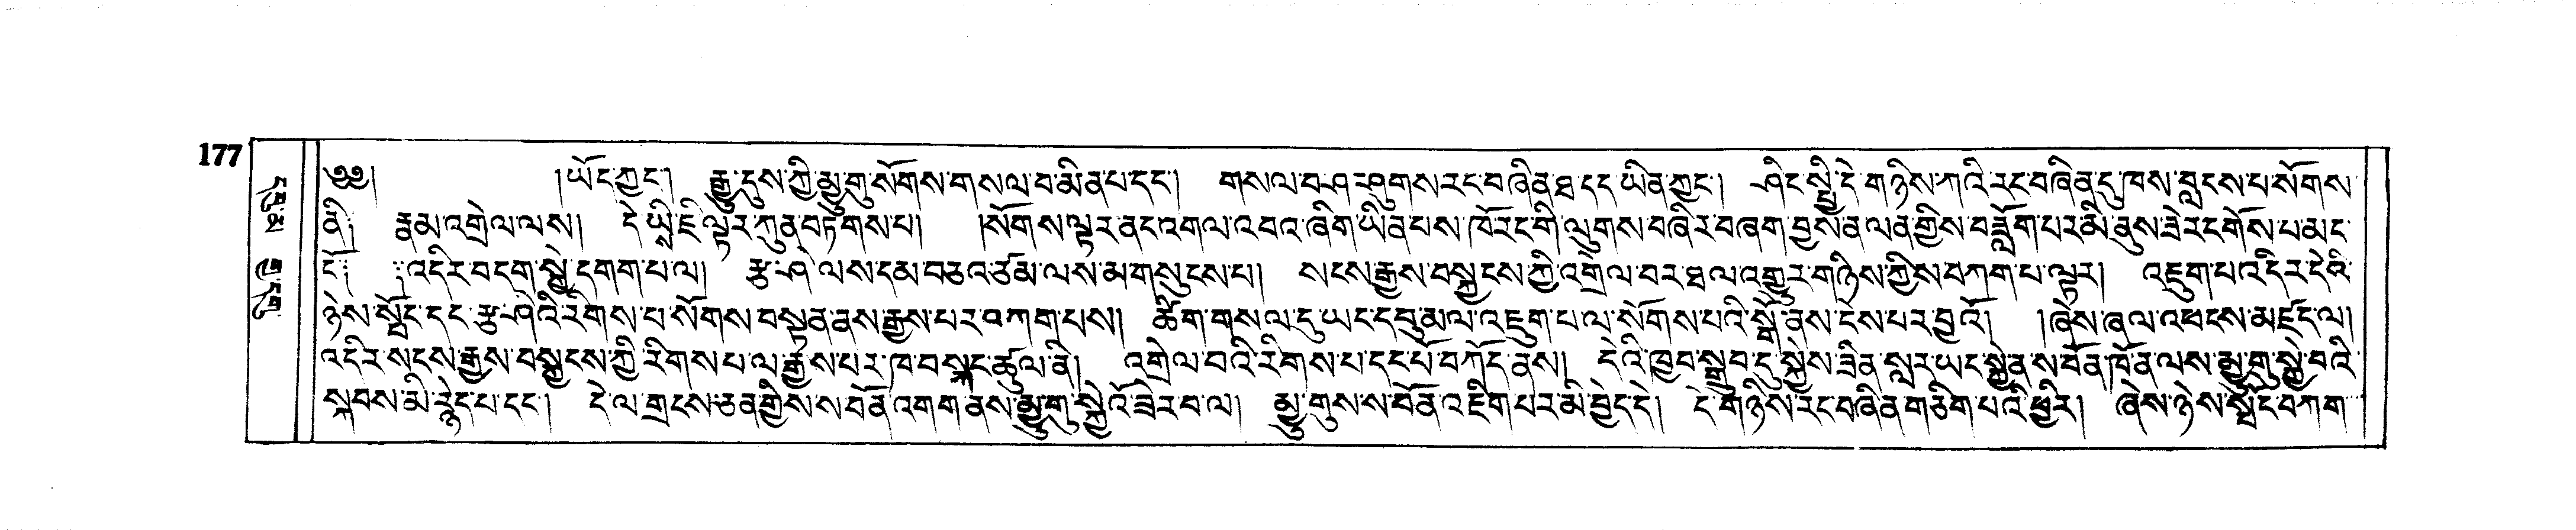༄༅། །ཡོད་ཀྱང་། རྒྱུ་དུས་ཀྱི་མྱུ་གུ་སོགས་གསལ་བ་མིན་པ་དང་། གསལ་བ་ཤར་ཤུགས་རང་བཞིན་ཐ་དད་ཡིན་ཀྱང་། ཤིང་སྤྱི་དེ་གཉིས་ཀའི་རང་བཞིན་དུ་ཁས་བླངས་པ་སོགས་
ནི། རྣམ་འགྲེལ་ལས། དེ་ཡིས་ཇི་ལྟར་ཀུན་བཏགས་པ། །སོགས་ལྟར་ནང་འགལ་འབའ་ཞིག་ཡིན་པས་ཁོ་རང་གི་ལུགས་བཞིར་བཞག་བྱས་ན་ལན་གྱིས་བཟློག་པར་མི་ནུས་ཟེ་རང་དགོས་པ་མང་
ངོ། །འདིར་བདག་སྐྱེ་དགག་པ་ལ། རྩ་ཤེ་ལས་དམ་བཅའ་ཙམ་ལས་མ་གསུངས་པ། སངས་རྒྱས་བསྐྱངས་ཀྱི་འགྲེལ་བར་ཐལ་འགྱུར་གཉིས་ཀྱིས་བཀག་པ་ལྟར། འཇུག་པ་འདིར་དེའི་
ཉེས་སྤོང་དང་རྩ་ཤེའི་རིགས་པ་སོགས་བསྟན་ནས་རྒྱས་པར་བཀག་པས། ཚིག་གསལ་དུ་ཡང་དབུ་མལ་འཇུག་པ་ལ་སོགས་པའི་སྒོ་ནས་ངེས་པར་བྱའོ། །ཞེས་ཞལ་འཕངས་མཛད་ལ།
འདིར་སངས་རྒྱས་བསྐྱངས་ཀྱི་རིགས་པ་ལ་རྒྱས་པར་ཁ་བསྐང་ཚུལ་ནི། འགྲེལ་བའི་རིགས་པ་དང་པོ་བཀོད་ནས། དེའི་ཁྱབ་སྒྲུབ་དུ་སྐྱེས་ཟིན་སླར་ཡང་སྐྱེ་ན་ས་བོན་ཁོ་ན་ལས་མྱུ་གུ་སྐྱེ་བའི་
སྐབས་མི་རྙེད་པ་དང་། དེ་ལ་གྲངས་ཅན་གྱིས་ས་བོན་འགག་ནས་མྱུ་གུ་སྐྱེའོ་ཟེར་བ་ལ། མྱུ་གུས་ས་བོན་འཇིག་པར་མི་བྱེད་དེ། དེ་གཉིས་རང་བཞིན་གཅིག་པའི་ཕྱིར། ཞེས་ཉེས་སྤོང་བཀག་